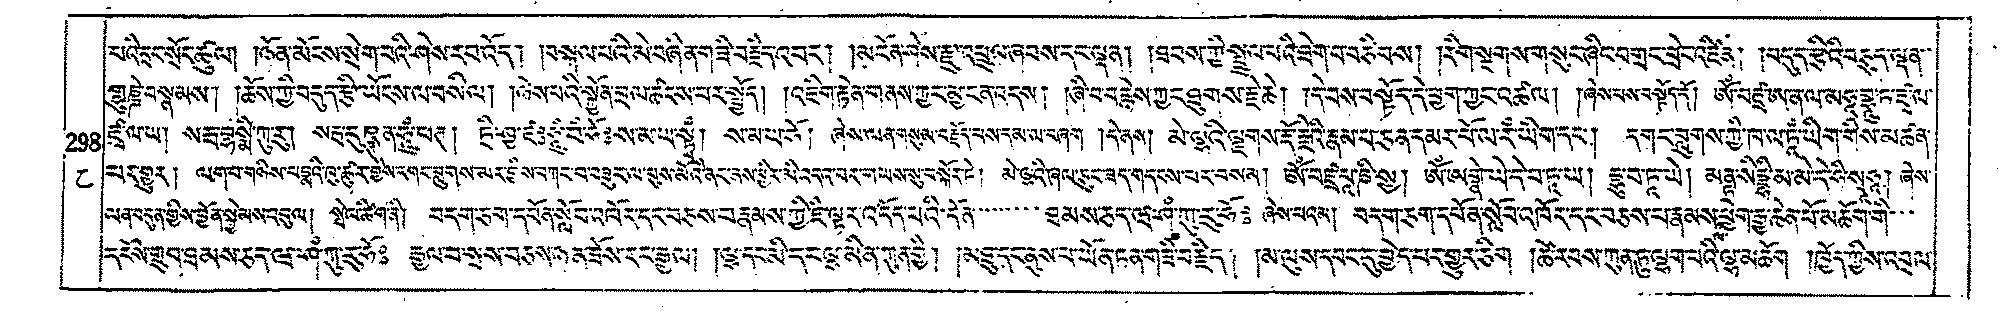པའི་དྲང་སྲོང་ཚུལ། །ཉོན་མོངས་སྲེག་པའི་ཤེས་རབ་འོད། །བསྐལ་པའི་མེ་བཞིན་གཟི་བརྗིད་འབར། །མངོན་ཤེས་རྫུ་འཕྲུལ་ཞབས་དང་ལྡན། །ཐབས་ཀྱི་སྤྲུལ་པའི་ཐེག་པ་བཅིབས། །རིག་སྔགས་གསུང་ཞིང་བགྲང་ཕྲེང་འཛིན། །བདུད་རྩིའི་བཅུད་ལྡན་་་
གྷུཎྜེ་བསྣམས། །ཆོས་ཀྱི་བདུད་རྩི་ཡོངས་ལ་བསིལ། །ཉེས་པའི་སྐྱོན་བྲལ་ཚངས་པར་སྤྱོད། །འཇིག་རྟེན་གནས་ཀྱང་མྱ་ངན་འདས། །ཞི་བ་བརྙེས་ཀྱང་ཐུགས་རྗེ་ཆེ། །དེ་བས་བསྟོད་དེ་ཕྱག་ཀྱང་འཚལ། །ཞེས་པས་བསྟོད་དོ།  །ཨོཾ་བཛྲ་ཨ་ན་ལ་མཧཱ་བྷཱུ་ཏ་ཛྭ་ལ་
ཛྭ་ལ་ཡ། སརྦ་བྷསྨི་ཀུ་རུ། སརྦ་དུཥྚན་ཧཱུཾ་ཕཌ། ཏྲི་ཤྱ་ཛཿཧཱུཾ་བཾ་ཧོཿསམ་ཡ་སྟྭཾ། ས་མ་ཡ་ཧོ། ཞེས་ལན་གསུམ་བརྗོད་པས་དམ་ལ་བཞག །དེ་ནས།  མེ་ལྷའི་ལྗགས་རྡོ་རྗེའི་རྣམ་པ་ཅན་དམར་པོ་ལ་རཾ་ཡིག་དང་། དགང་བླུགས་ཀྱི་ཁ་ལ་ཏཱཾ་ཡིག་གིས་མཚན་
པར་གྱུར། ལག་པ་གཉིས་པདམའི་ཁུ་ཚུར་གྱིས་དགང་བླུགས་མར་གྱིས་བཀང་བ་བཟུང་ལ་པུས་མོའི་ནང་ནས་ཕྱིར་མི་འདའ་བར་གཡས་སུ་བསྐོར་ཏེ། མེ་ལྷའི་ཞལ་ཅུང་ཟད་གདངས་པར་བསམ།  ཨོཾ་བཛྲ་པཱ་ཎི་སྱ། ཨོཾ་ཨགནེ་ཡེ་དེ་བ་ཏཱ་ཡ། དྷུ་བ་ཏཱ་ཡེ། མནྟྲ་སིདྡྷི་མ་མེ་དེ་ཧི་སྭཱཧཱ། ཞེས་
ལན་བདུན་གྱིས་བྱོན་སྐྱེམས་འབུལ། སྤེལ་ཚིག་ནི། བདག་ཅག་དཔོན་སློབ་འཁོར་དང་བཅས་པ་རྣམས་ཀྱི་ཇི་ལྟར་འདོད་པའི་དོན་་་ཐམས་ཅད་ཝ་ཤཾ་ཀུ་རུ་ཧོཿ ཞེས་པའམ།  བདག་ཅག་དཔོན་སློབ་འཁོར་དང་བཅས་པ་རྣམས་ལ་ཕྱག་རྒྱ་ཆེན་པོ་མཆོག་གི་་་
དངོས་གྲུབ་ཐམས་ཅད་ཝ་ཤཾ་ཀུ་རུ་ཧོཿ རྒྱལ་བ་སྲས་བཅས་ཉན་ཐོས་རང་རྒྱལ། །ལྷ་དང་མི་དང་ལྷ་མིན་ཀུན་གྱི། །མཐུ་དང་ནུས་པ་ཡོན་ཏན་གཟི་བརྗིད། །མ་ལུས་དབང་དུ་བྱེད་པར་གྱུར་ཅིག །ཚེ་རབས་ཀུན་ཏུ་ལྷག་པའི་ལྷ་མཆོག །ཁྱོད་ཀྱིས་འབྲལ་